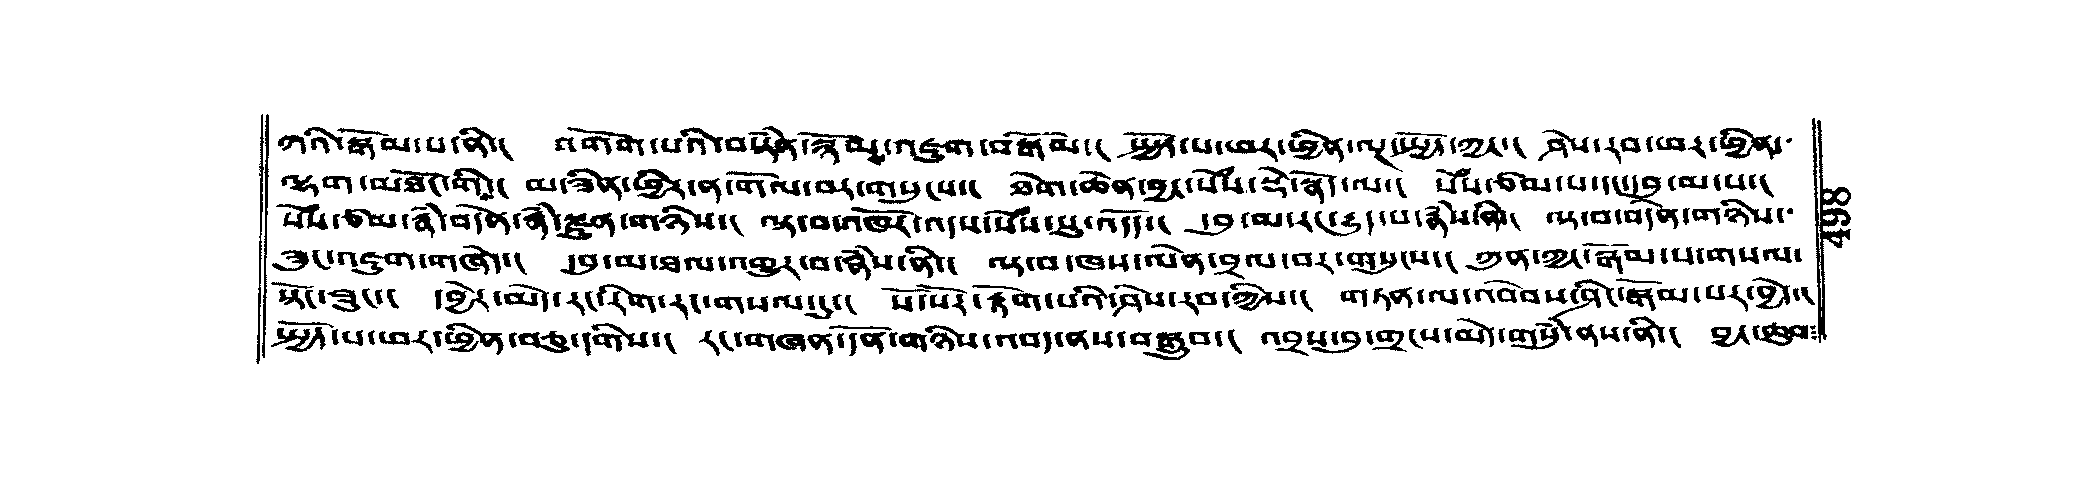ཀའི་སྒོམ་པ་ནི། །འགོག་པའི་བསམ་གཏན་སྙོམས་འཇུག་བསྒོམ། །སྤྱོད་པ་ཕར་ཕྱིན་ལྔ་སྤྱོད་ཀྱང་། །ཤེས་རབ་ཕར་ཕྱིན་
ལྷག་མཐོང་གིས། །མ་ཟིན་ཕྱིར་ན་གོལ་བར་གསུངས། །ཐེག་ཆེན་བྱང་སེམས་སྡེ་སྣོད་ལ། །སེམས་ཙམ་པ་དང་དབུ་མ་པ། །
སེམས་ཙམ་རྣམ་བདེན་རྣམ་རྫུན་གཉིས། །ལྟ་བ་འཁོར་འདས་སེམས་སུ་འདོད། །དབུ་མ་རང་རྒྱུད་པ་རྣམས་ནི། །ལྟ་བ་བདེན་གཉིས་
ཟུང་འཇུག་བཞེད། །དབུ་མ་ཐལ་འགྱུར་བ་རྣམས་ནི། །ལྟ་བ་ཁས་ལེན་བྲལ་བར་གསུངས། །ཀུན་ཀྱང་སྒོམ་པ་གསལ་
སྟོང་ཟུང་། །དབྱེར་མེད་རང་རིག་རང་གསལ་དུ། །སོ་སོར་རྟོག་པའི་ཤེས་རབ་ཀྱིས། །གཏན་ལ་འབེབས་ཤིང་སྒོམ་པར་བྱེད། །
སྤྱོད་པ་ཕར་ཕྱིན་བཅུ་དག་གིས། །རང་གཞན་དོན་གཉིས་འབད་ནས་བསྒྲུབ། །འབྲས་བུ་གྲངས་མེད་གསུམ་ནས་ནི། །བྱང་ཆུབ་